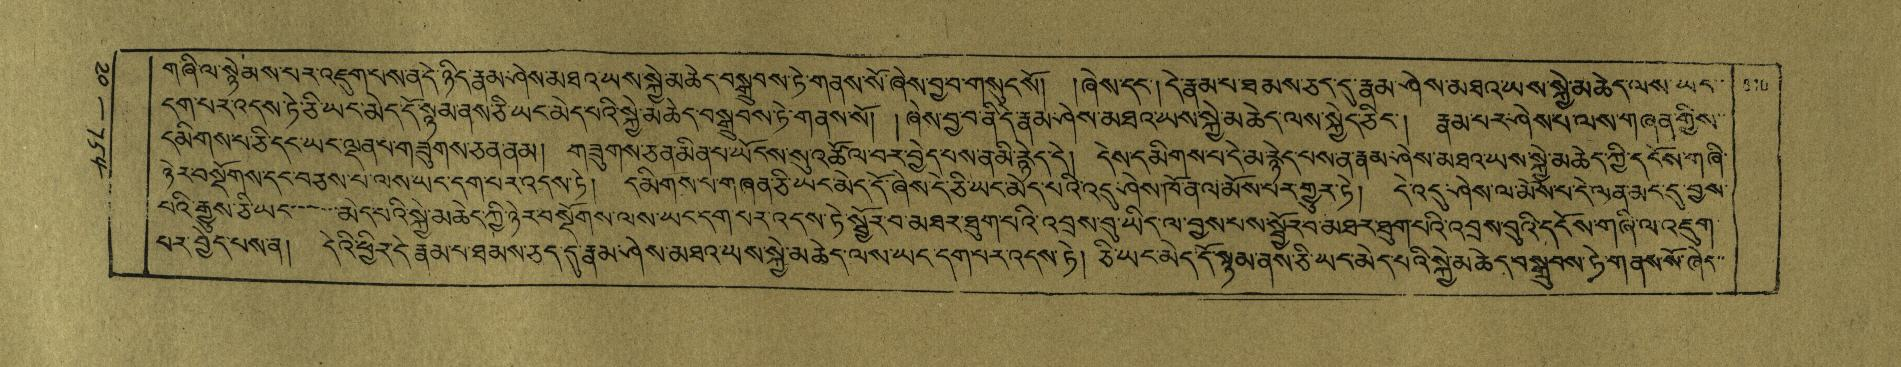གཞི་ལ་སྙེམས་པར་འཇུག་པས་ན་དེ་ཉིད་རྣམ་ཤེས་མཐའ་ཡས་སྐྱེ་མཆེད་བསྒྲུབས་ཏེ་གནས་སོ་ཞེས་བྱ་བ་གསུངྶོ། །ཞེས་དང་། དེ་རྣམ་པ་ཐམས་ཅད་དུ་རྣམ་ཤེས་མཐའ་ཡས་སྐྱེ་མཆེད་ལས་ཡང་
དག་པར་འདས་ཏེ་ཅི་ཡང་མེད་དོ་སྙམ་ནས་ཅི་ཡང་མེད་པའི་སྐྱེ་མཆེད་བསྒྲུབས་ཏེ་གནས་སོ། །ཞེས་བྱ་བ་ནི་དེ་རྣམ་ཤེས་མཐའ་ཡས་སྐྱེ་མཆེད་ལས་སྐྱེད་ཅིང་། རྣམ་པར་ཤེས་པ་ལས་གཞན་གྱིས་
དམིགས་པ་ཅི་དང་ཡང་ལྡན་པ་གཟུགས་ཅན་ནམ། གཟུགས་ཅན་མིན་པ་ཡོངས་སུ་འཚོལ་བར་བྱེད་པས་ན་མི་རྙེད་དེ། དེས་དམིགས་པ་དེ་མ་རྙེད་པས་ན་རྣམ་ཤེས་མཐའ་ཡས་སྐྱེ་མཆེད་ཀྱི་དངོས་གཞི་
ཉེར་བསྔོགས་དང་བཅས་པ་ལས་ཡང་དག་པར་འདས་ཏེ། དམིགས་པ་གཞན་ཅི་ཡང་མེད་དོ་ཞེས་དེ་ཅི་ཡང་མེད་པའི་འདུ་ཤེས་ཁོ་ན་ལ་མོས་པར་གྱུར་ཏེ། དེ་འདུ་ཤེས་ལ་མོས་པ་དེ་ལན་མང་དུ་བྱས་
པའི་རྒྱུས་ཅི་ཡང་མེད་པའི་སྐྱེ་མཆེད་ཀྱི་ཉེར་བསྔོགས་ལས་ཡང་དག་པར་འདས་ཏེ་སྦྱོར་བ་མཐར་ཐུག་པའི་འབྲས་བུ་ཡིད་ལ་བྱས་པས་སྦྱོར་བ་མཐར་ཐུག་པའི་འབྲས་བུའི་དངོས་གཞི་ལ་འཇུག་
པར་བྱེད་པས་ན། དེའི་ཕྱིར་དེ་རྣམ་པ་ཐམས་ཅད་དུ་རྣམ་ཤེས་མཐའ་ཡས་སྐྱེ་མཆེད་ལས་ཡང་དག་པར་འདས་ཏེ། ཅི་ཡང་མེད་དོ་སྙམ་ནས་ཅི་ཡང་མེད་པའི་སྐྱེ་མཆེད་བསྒྲུབས་ཏེ་གནས་སོ་ཞེས་